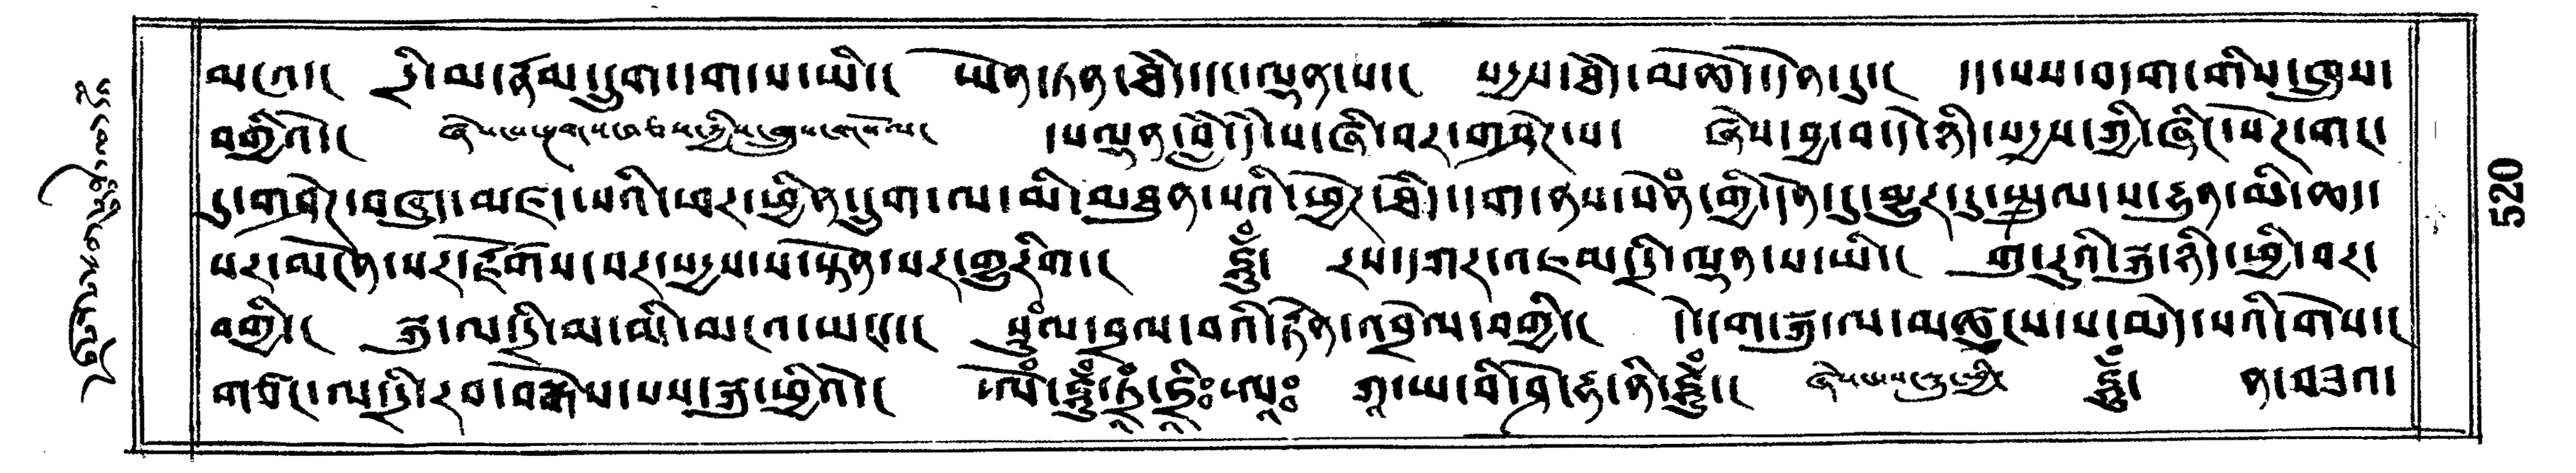མངའ། །དྲི་མ་རྣམ་དྲུག་དག་པ་ཡིས། །ཡོན་ཏན་ཐམས་ཅད་དང་ལྡན་པ། །སངས་རྒྱས་ཐམས་ཅད་མཆོད་དོན་དུ། །དད་པས་བདག་གིས་ཁྲུས་
བགྱིའོ། ཞེས་པ་སྔགས་བཅས་ཀྱིས་ཁྲུས་གསོལ། དཔལ་ལྡན་བླ་མ་དམ་པ་ཞི་བར་གཤེགས་པ། ཞེས་བྱ་བ་དེ་ཉིད་སངས་རྒྱས་ཀྱི་ཞིང་སོགས་གང་
དུ་གཤེགས་བཞུད་མཛད་པའི་ཕར་ཕྱིན་དྲུག་ལ་མི་མཐུན་པའི་ཕྱོགས་ཐམས་ཅད་དག་ནས་སེམས་ཅན་གྱི་དོན་དུ་སྤྲུལ་པ་རྒྱུད་མི་ཆད་
པར་མངོན་པར་རྫོགས་པར་སངས་རྒྱས་པ་སྟོན་པར་གྱུར་ཅིགཧཱུྃ། རས་དཀར་འཇམ་དྲི་ལྡན་པ་ཡིས། །གུ་རུའི་སྐུ་ཉིད་ཕྱི་བར་
བགྱི། །སྐུ་ལ་དྲི་མ་མི་མངའ་ཡང་། །སྡུག་བསྔལ་བྲལ་བའི་རྟེན་འབྲེལ་བགྱི། །དེ་དག་སྐུ་ལ་མཚུངས་པ་མེད་པའི་གོས། །
གཙང་ལ་དྲི་རབ་གོས་པས་སྐུ་ཕྱིའོ། ཨོཾ་ཧཱུྃ་ཏྲཱཾ་ཧྲཱིཿཨཱཿ ཀཱ་ཡ་བི་ཤོ་དྷ་ནི་ཧཱུྃ། ཞེས་པས་སྐུ་ཕྱི། ཧཱུྃ། ན་བཟའ་